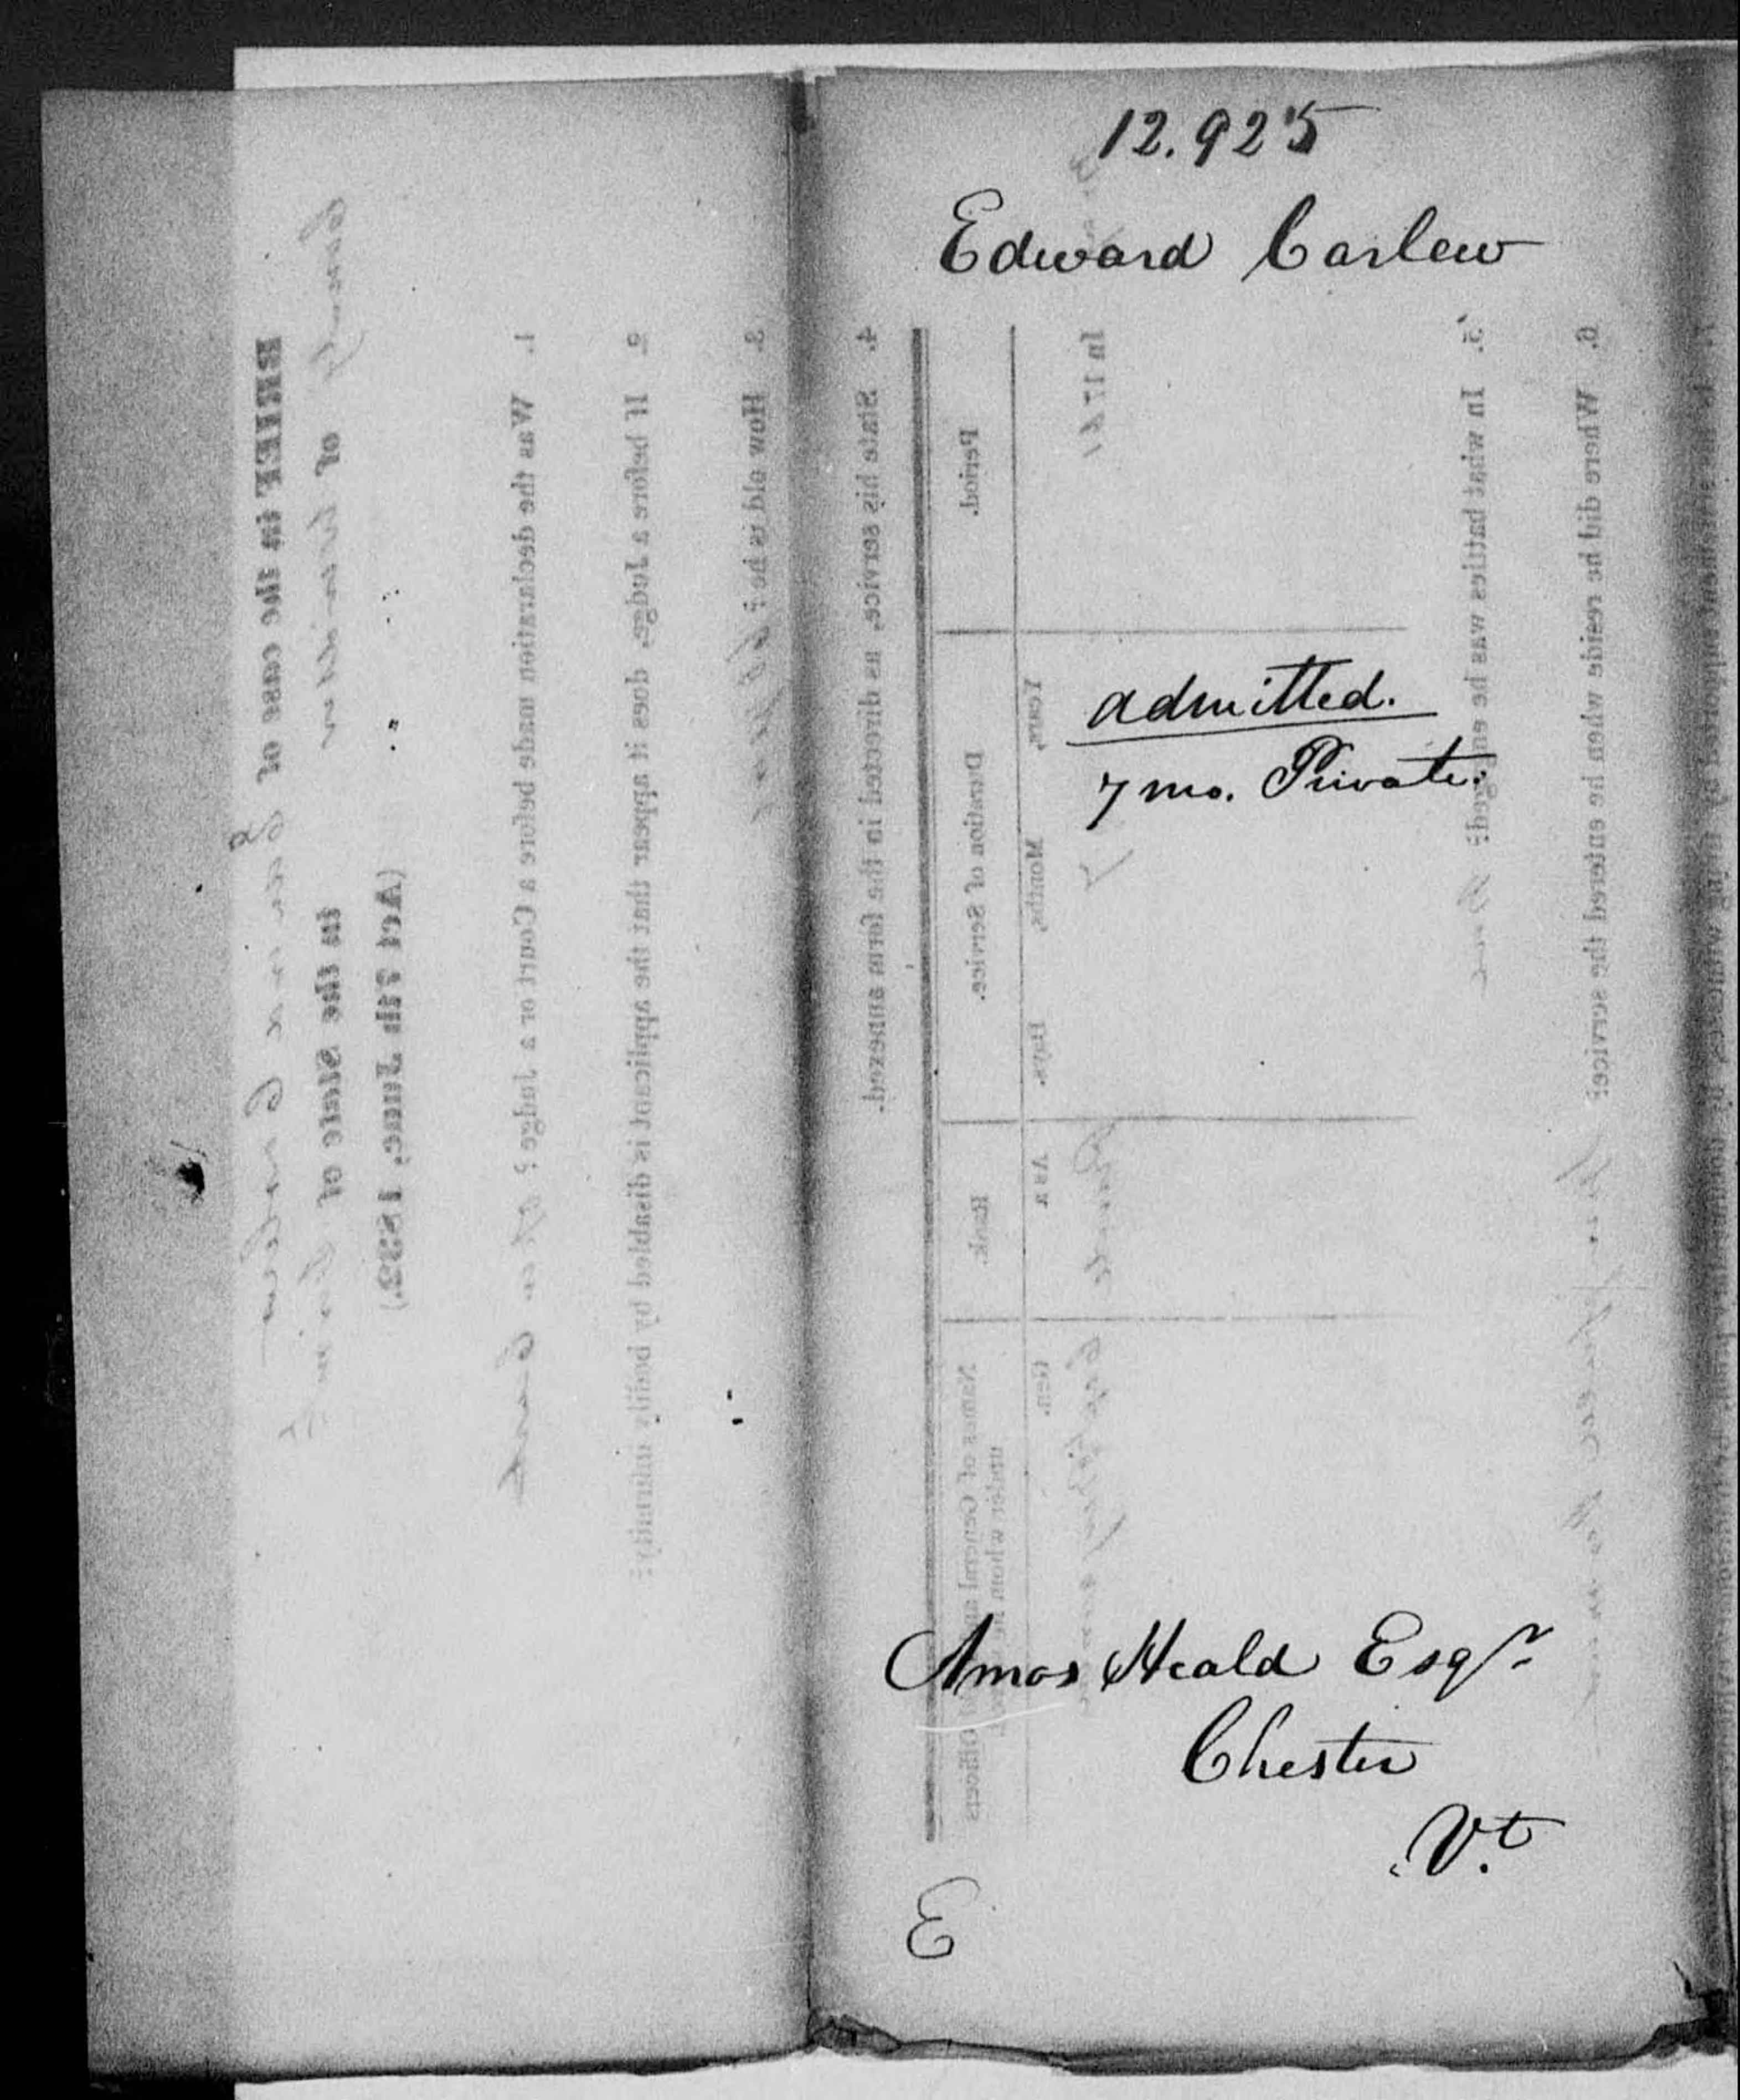12.925
Edward Corlew

admitted
7 mo. Private.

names: Amos Heald, Edward Corlew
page: 7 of 18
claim: survivor's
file: S. 21,702, Edward Corlew, Vt.